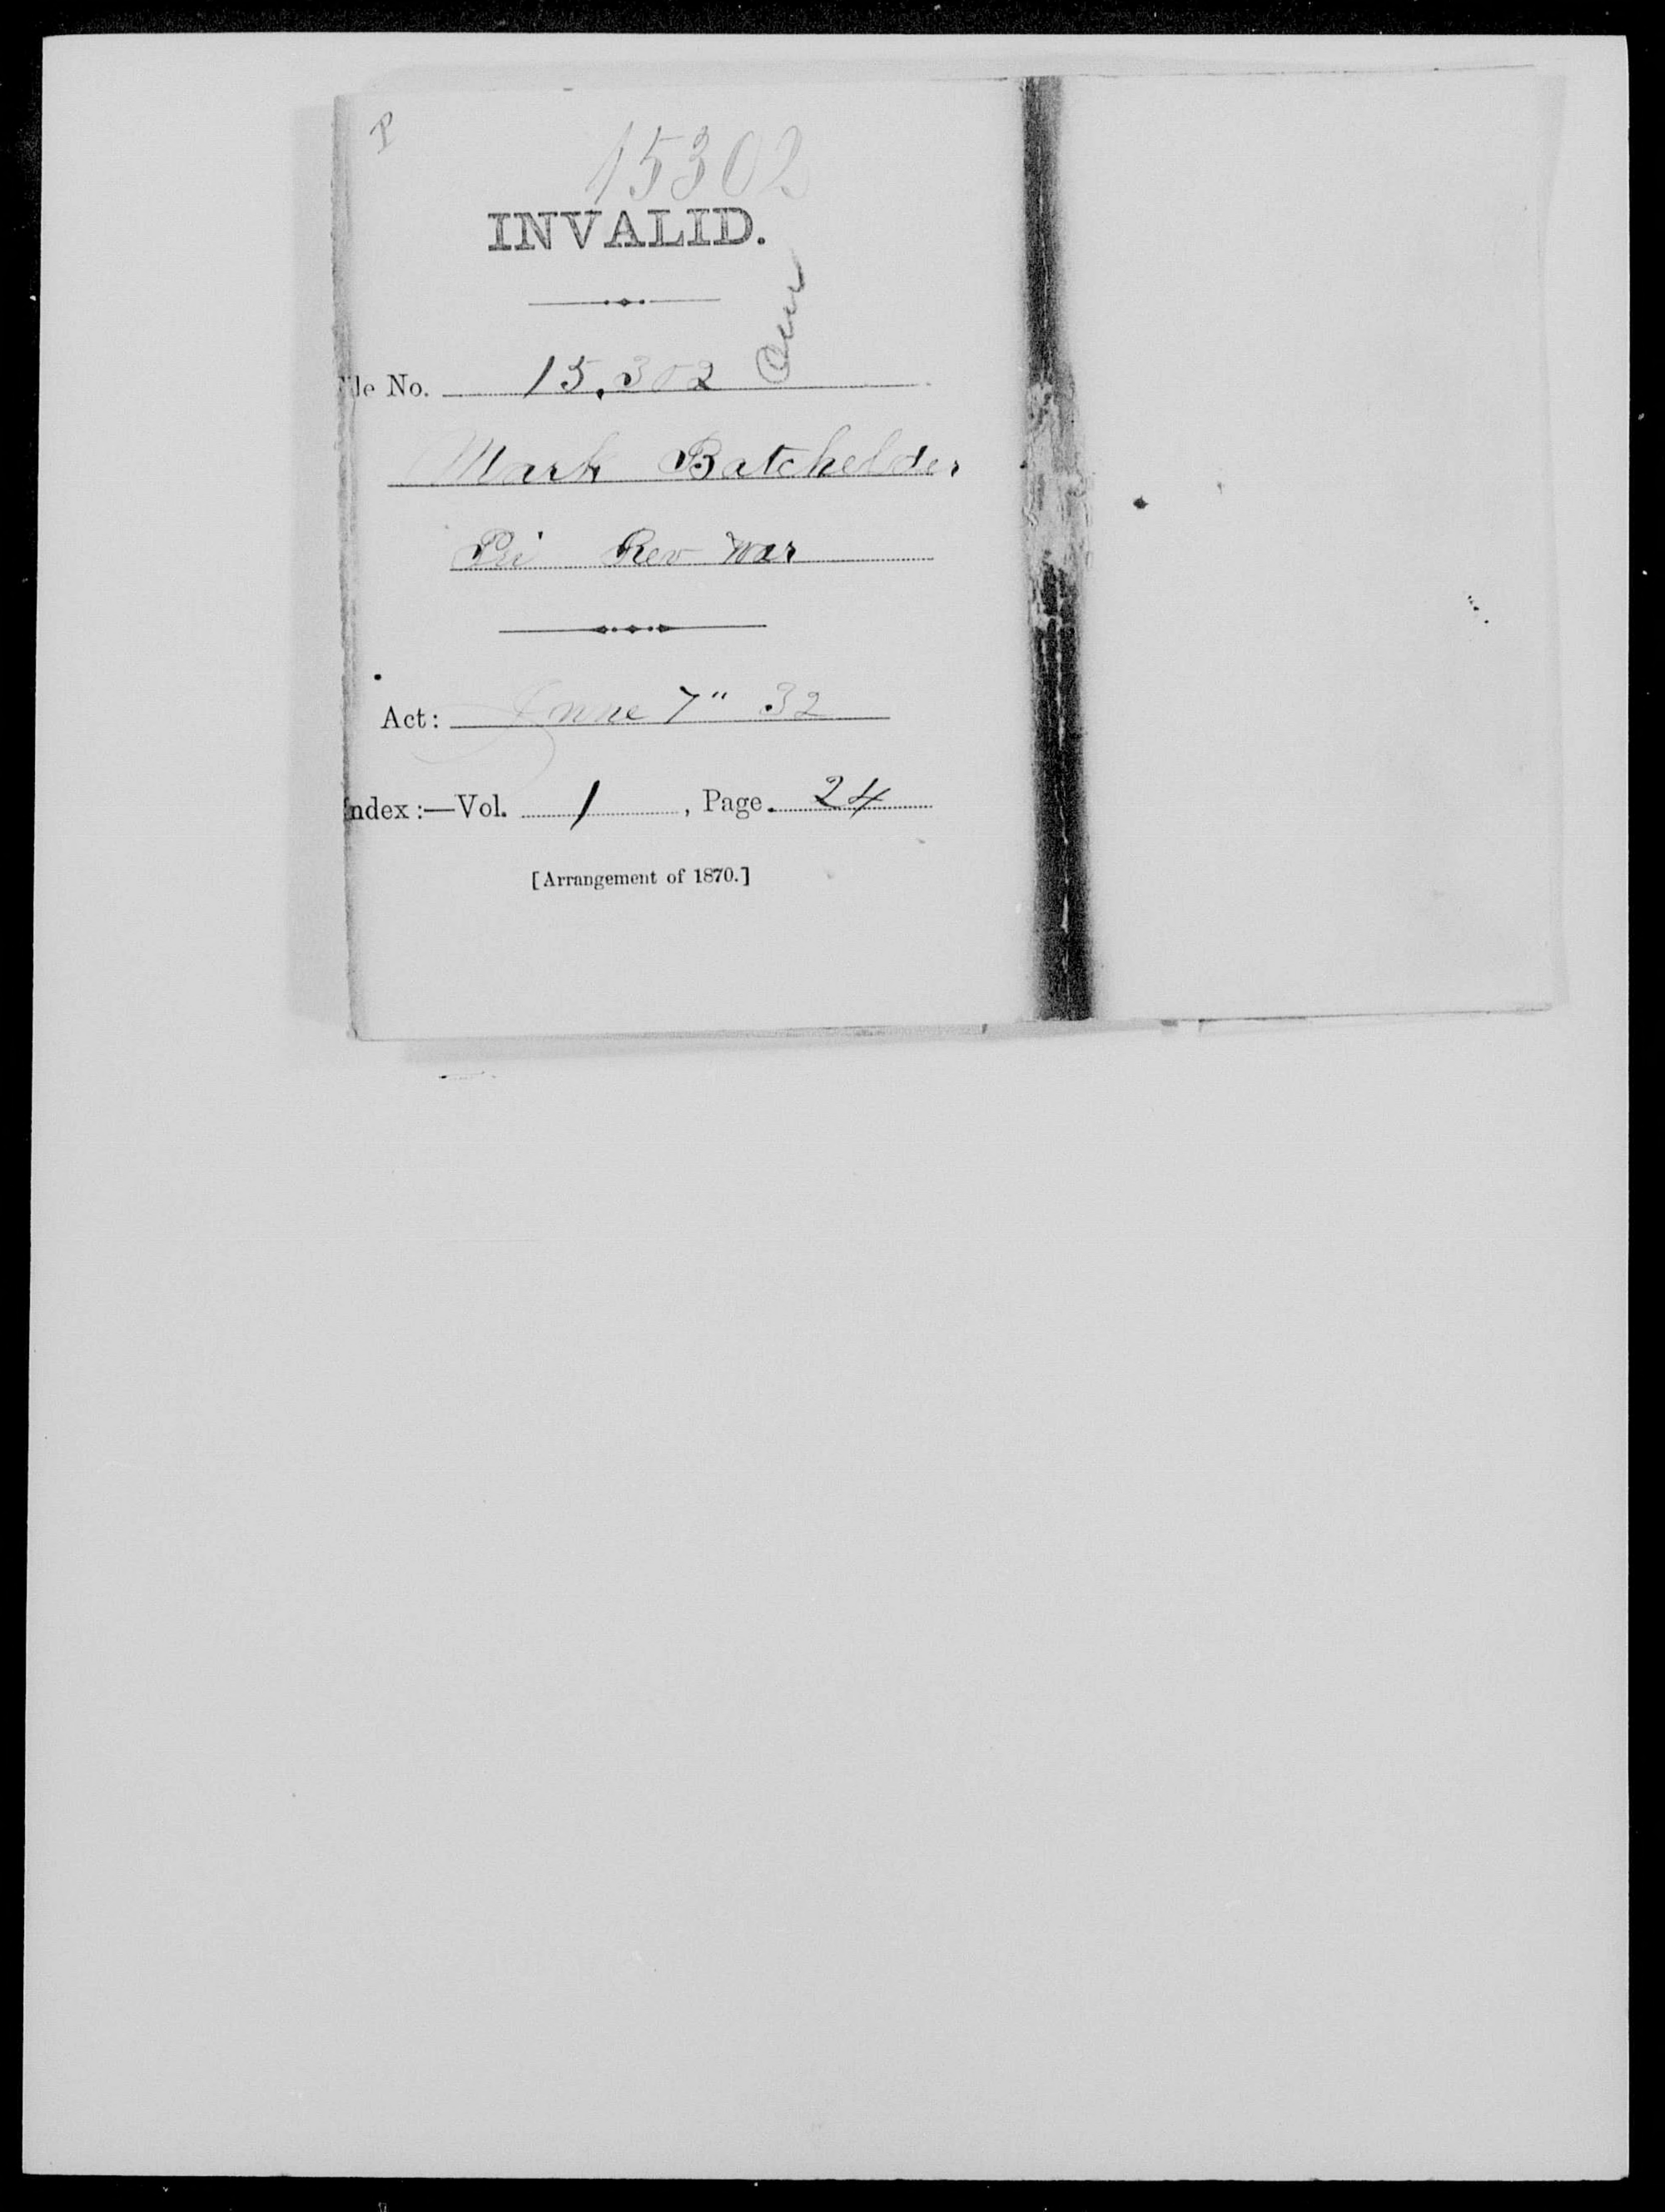15302
INVALID.

Mle No.15.302
Mark Batchelder
Pri Rev War

Act: [illegible] 7" 32
Index: -- Vol. 1, Page 24
[Arrangement of 1870.}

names: Mark Batchelder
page: 11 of 11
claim: survivor's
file: S. 15302, Mark Batchelder, N. H